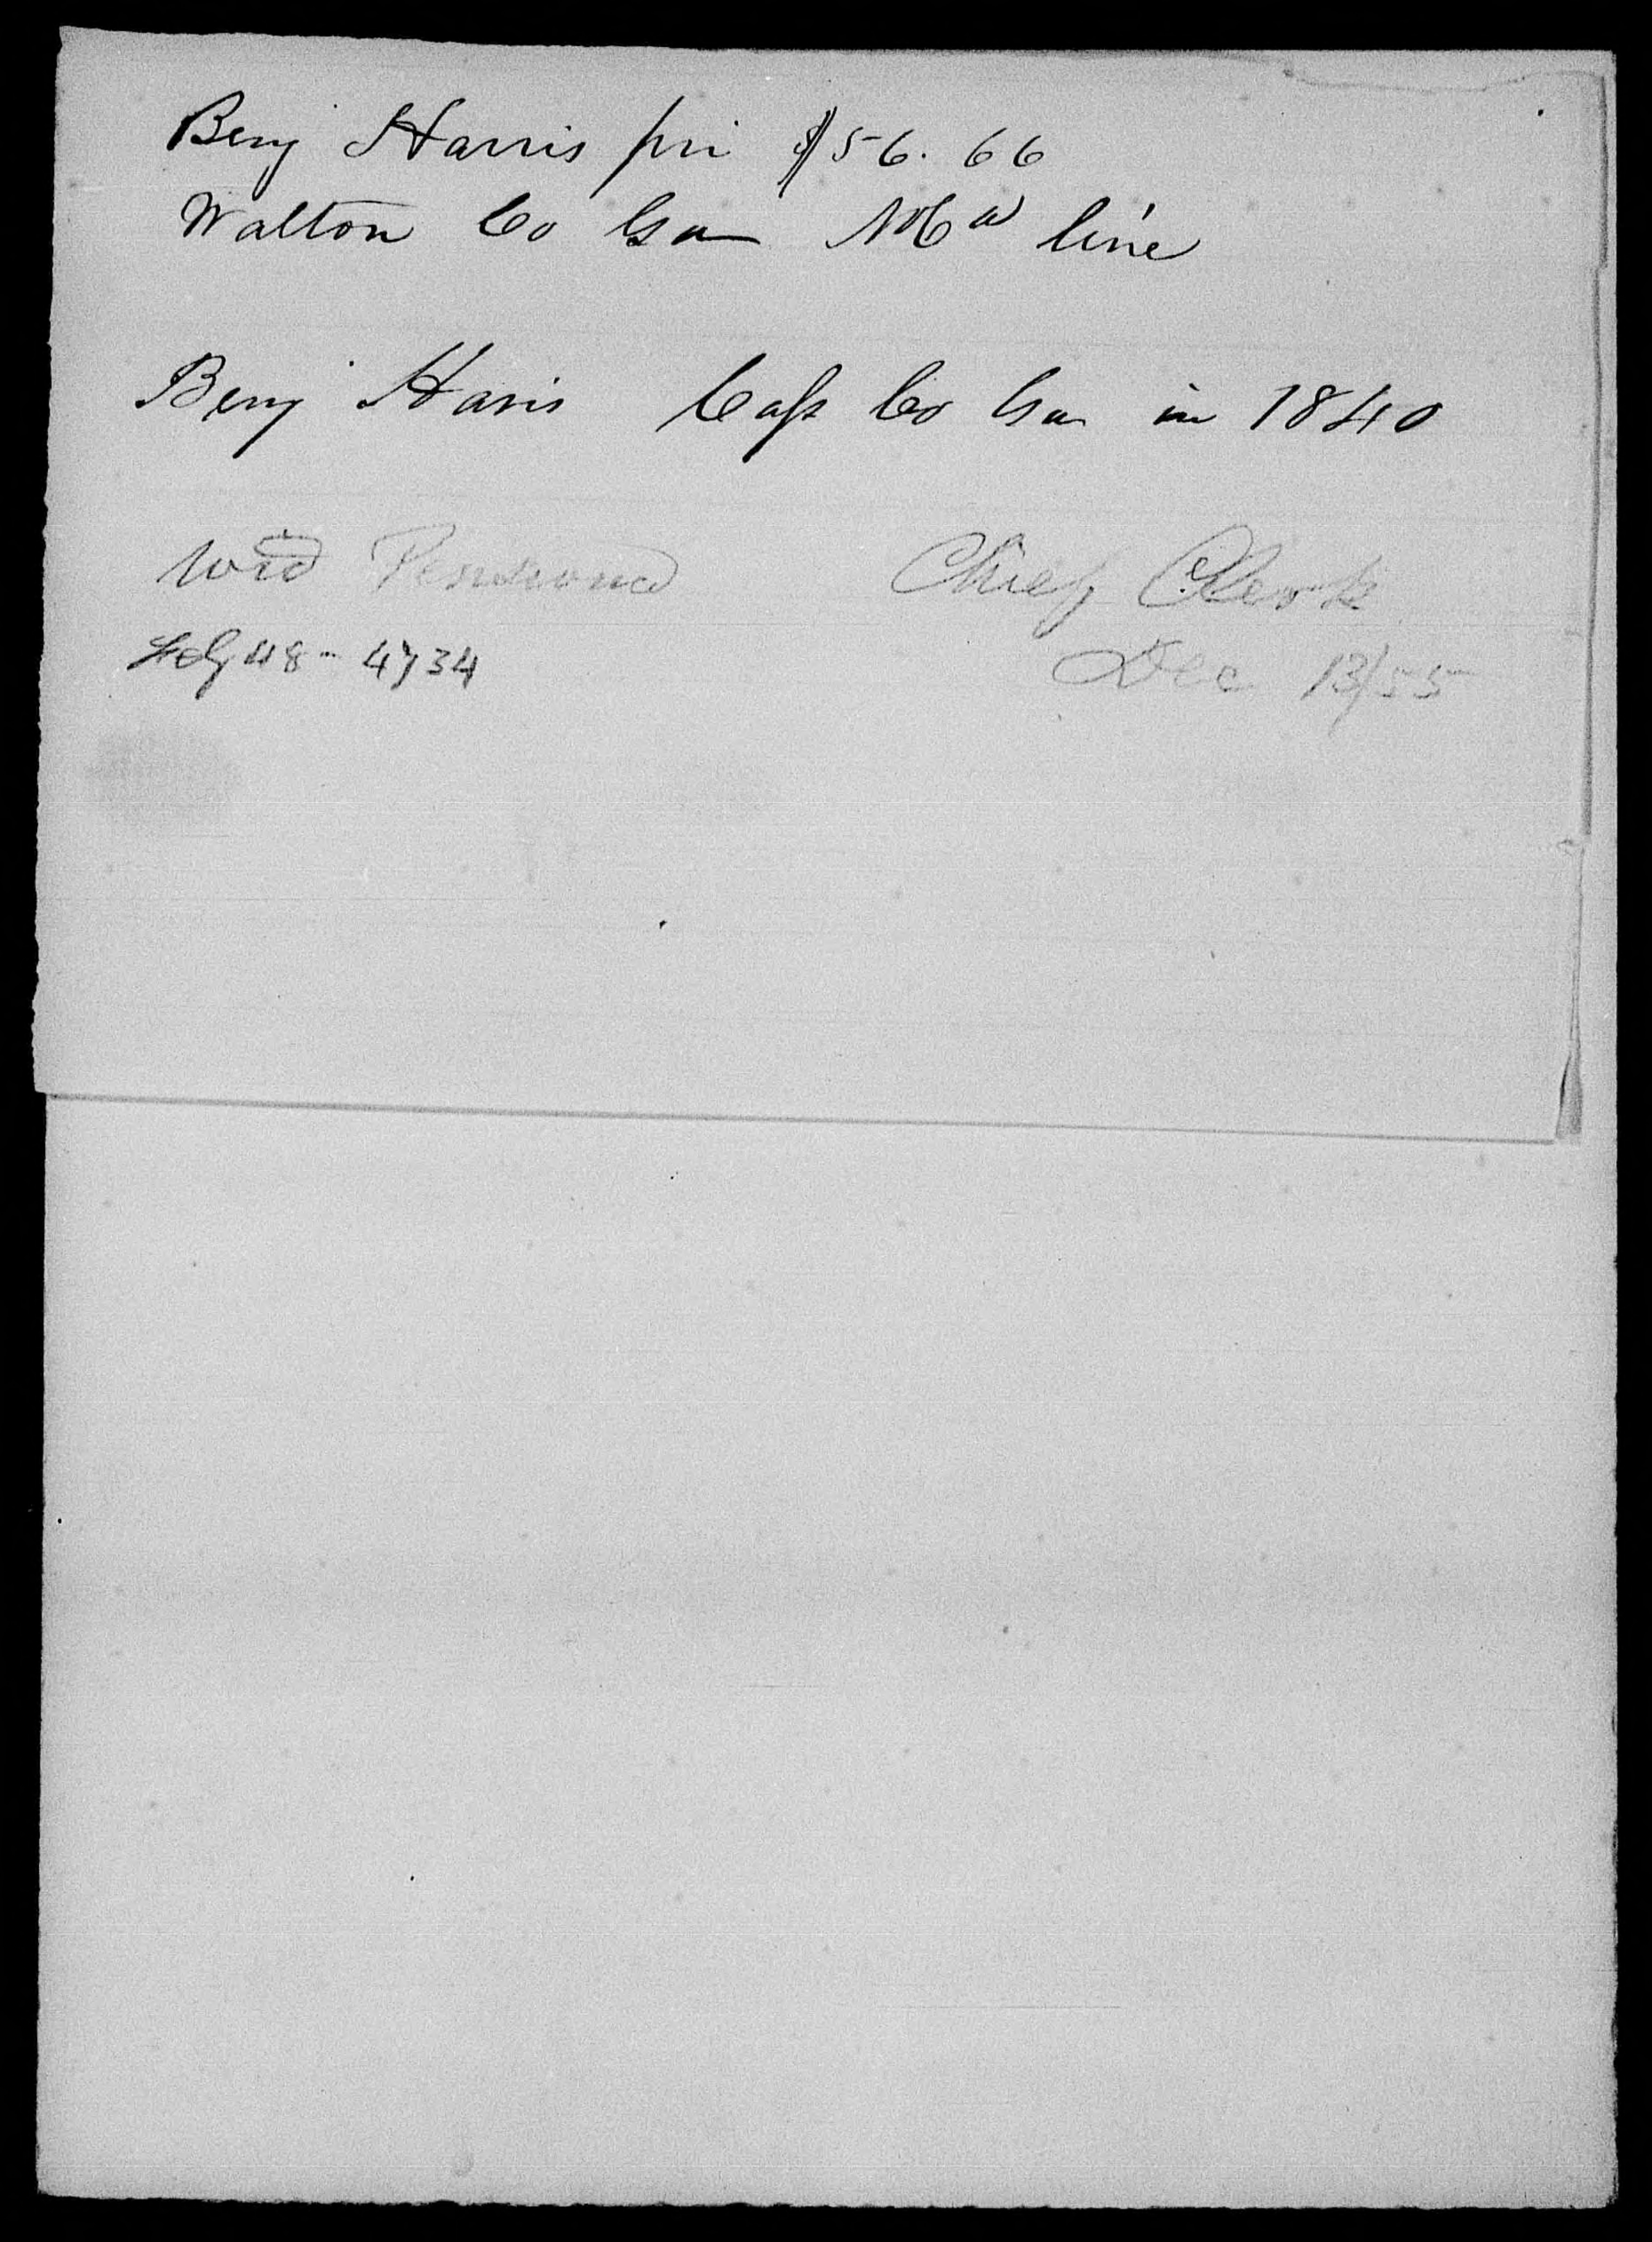Benj Harris pri $56.66 
Walton Co Ga NC line 
Benj Harris Cass Co Ga in 1840 

wid Pensioned Feby  48 4734
Chief Clerk 
Dec 13/55 ---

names: Benj Haris, Benj Harris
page: 45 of 62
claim: survivor's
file: S. 38816, Benjamin Harris, Mass.